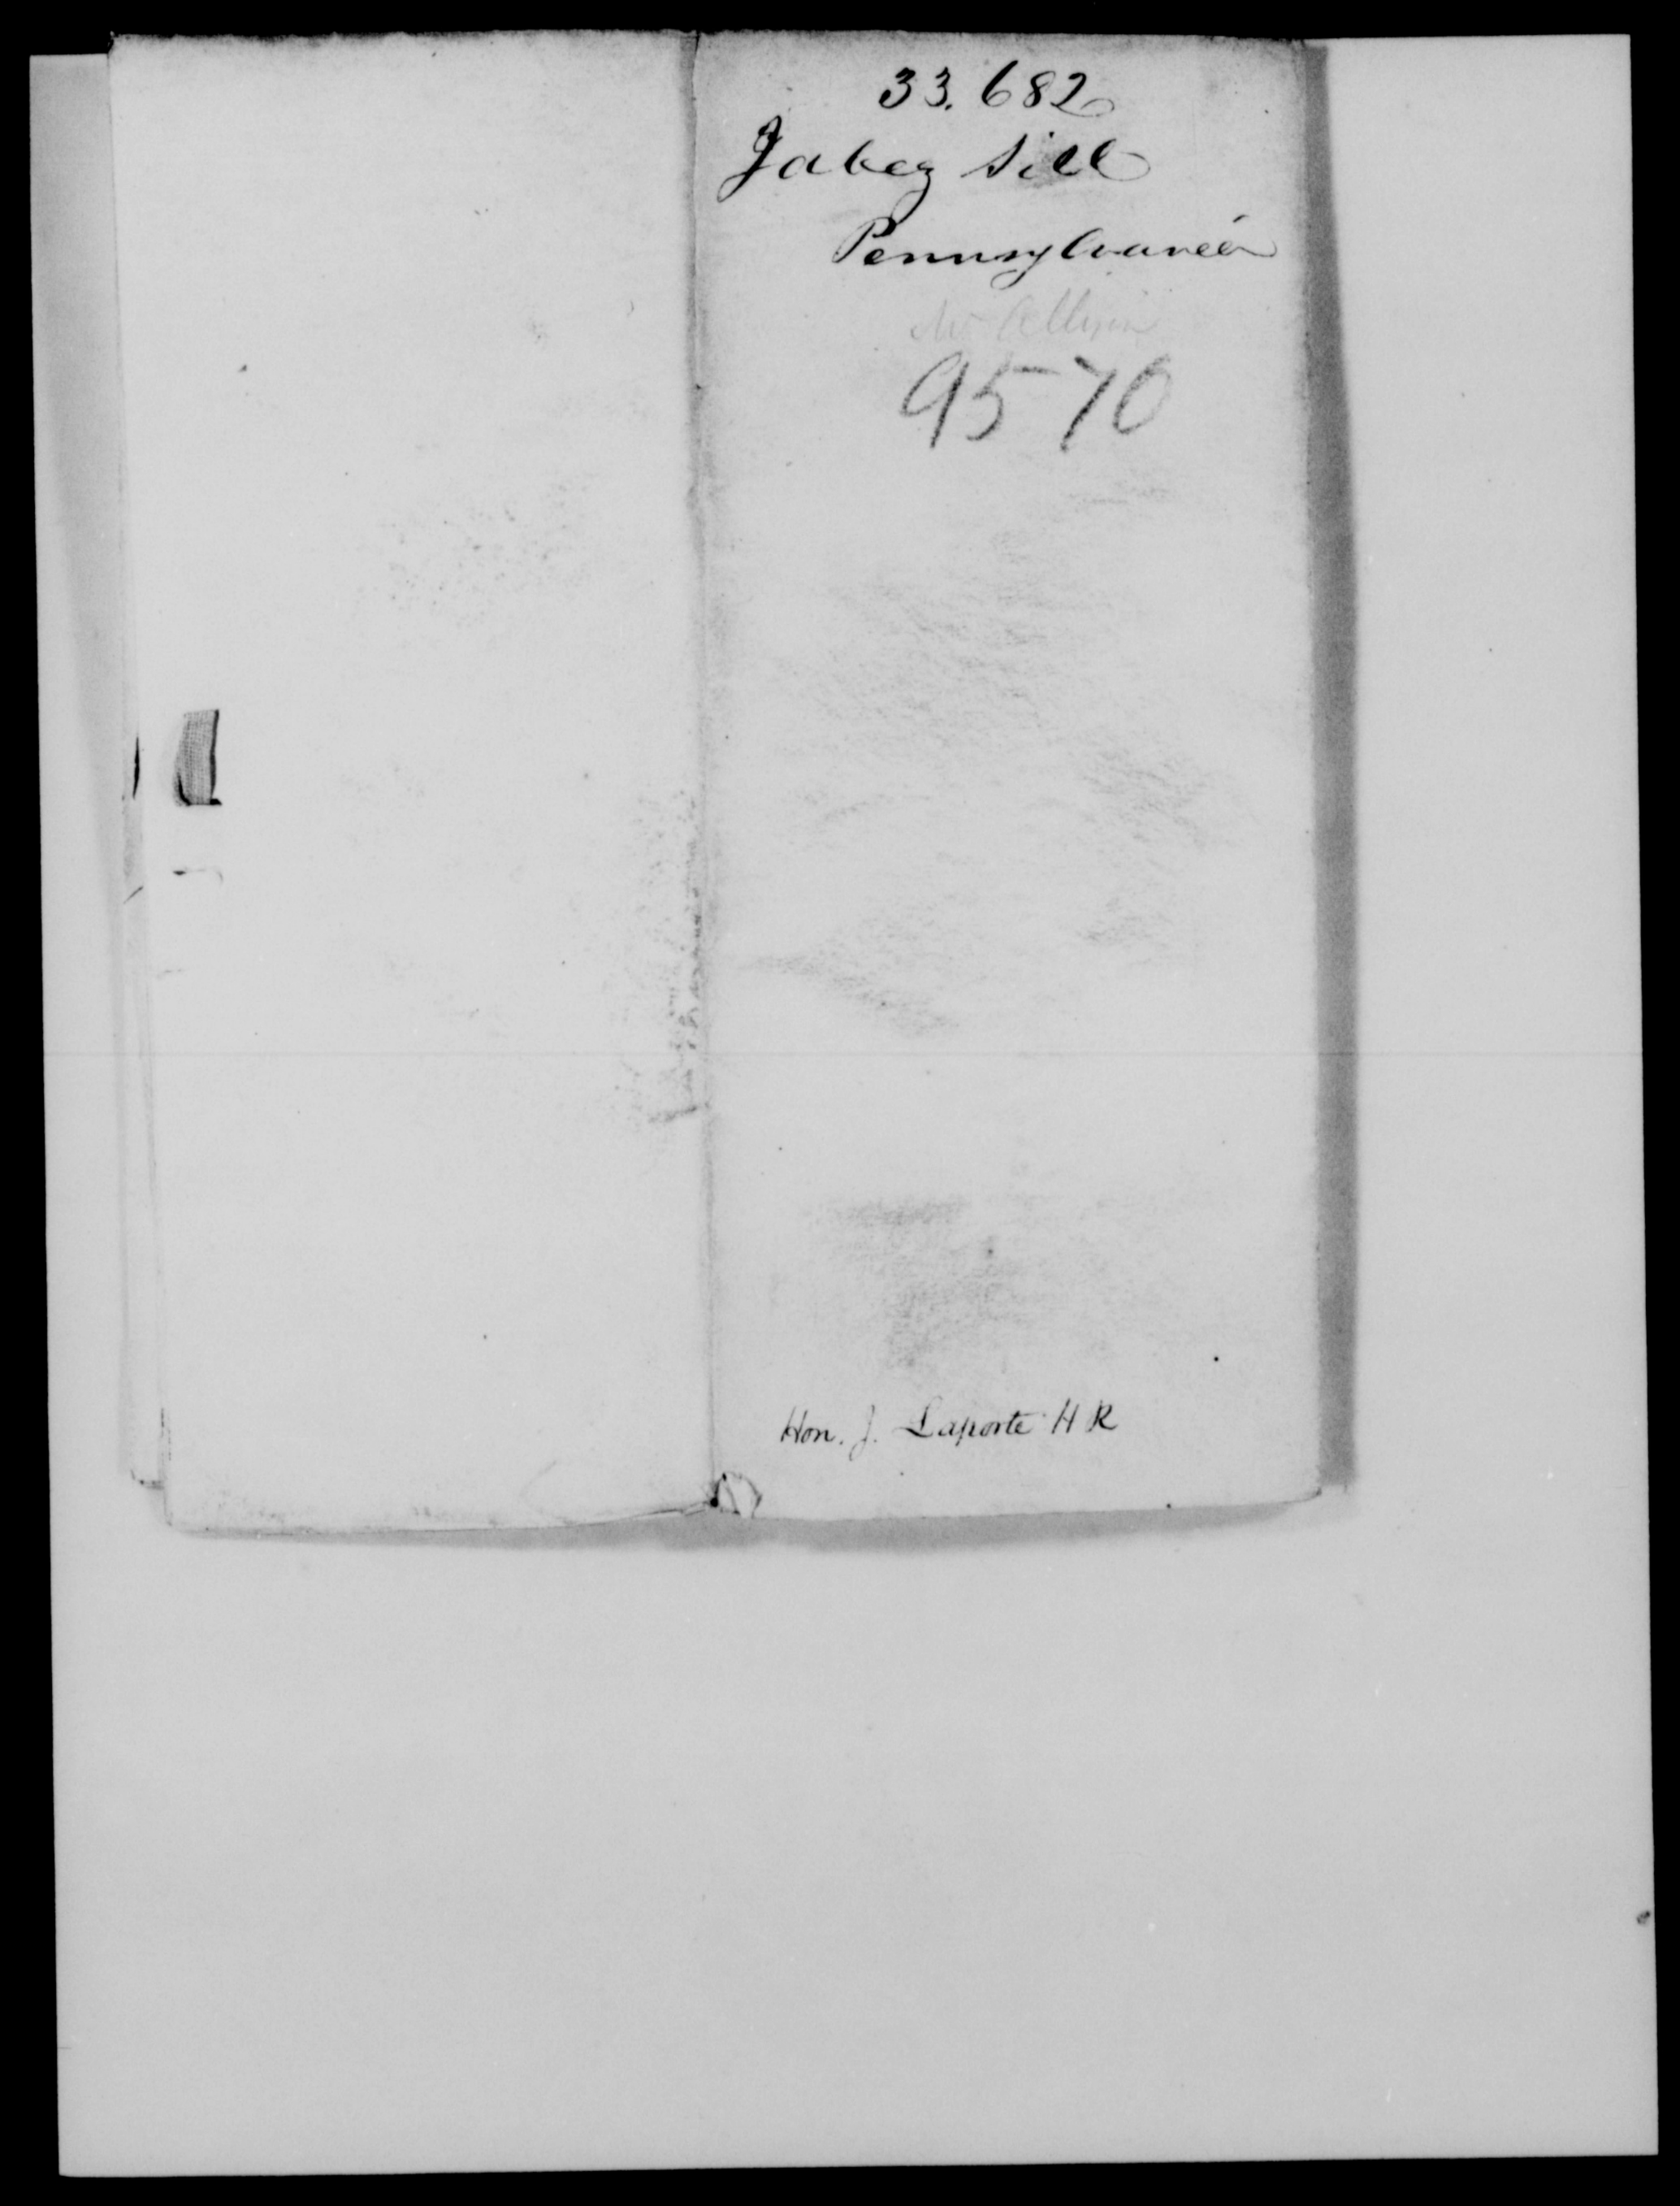33.682
Jabez Sill
Pennsylvania
Lt Allison  
9570
Hon. J. Laporte HR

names: [BLANK] Allince; Jabez Sill; J Laporte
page: 2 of 29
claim: rejected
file: R. 9570, for Jabez Sill, Connecticut